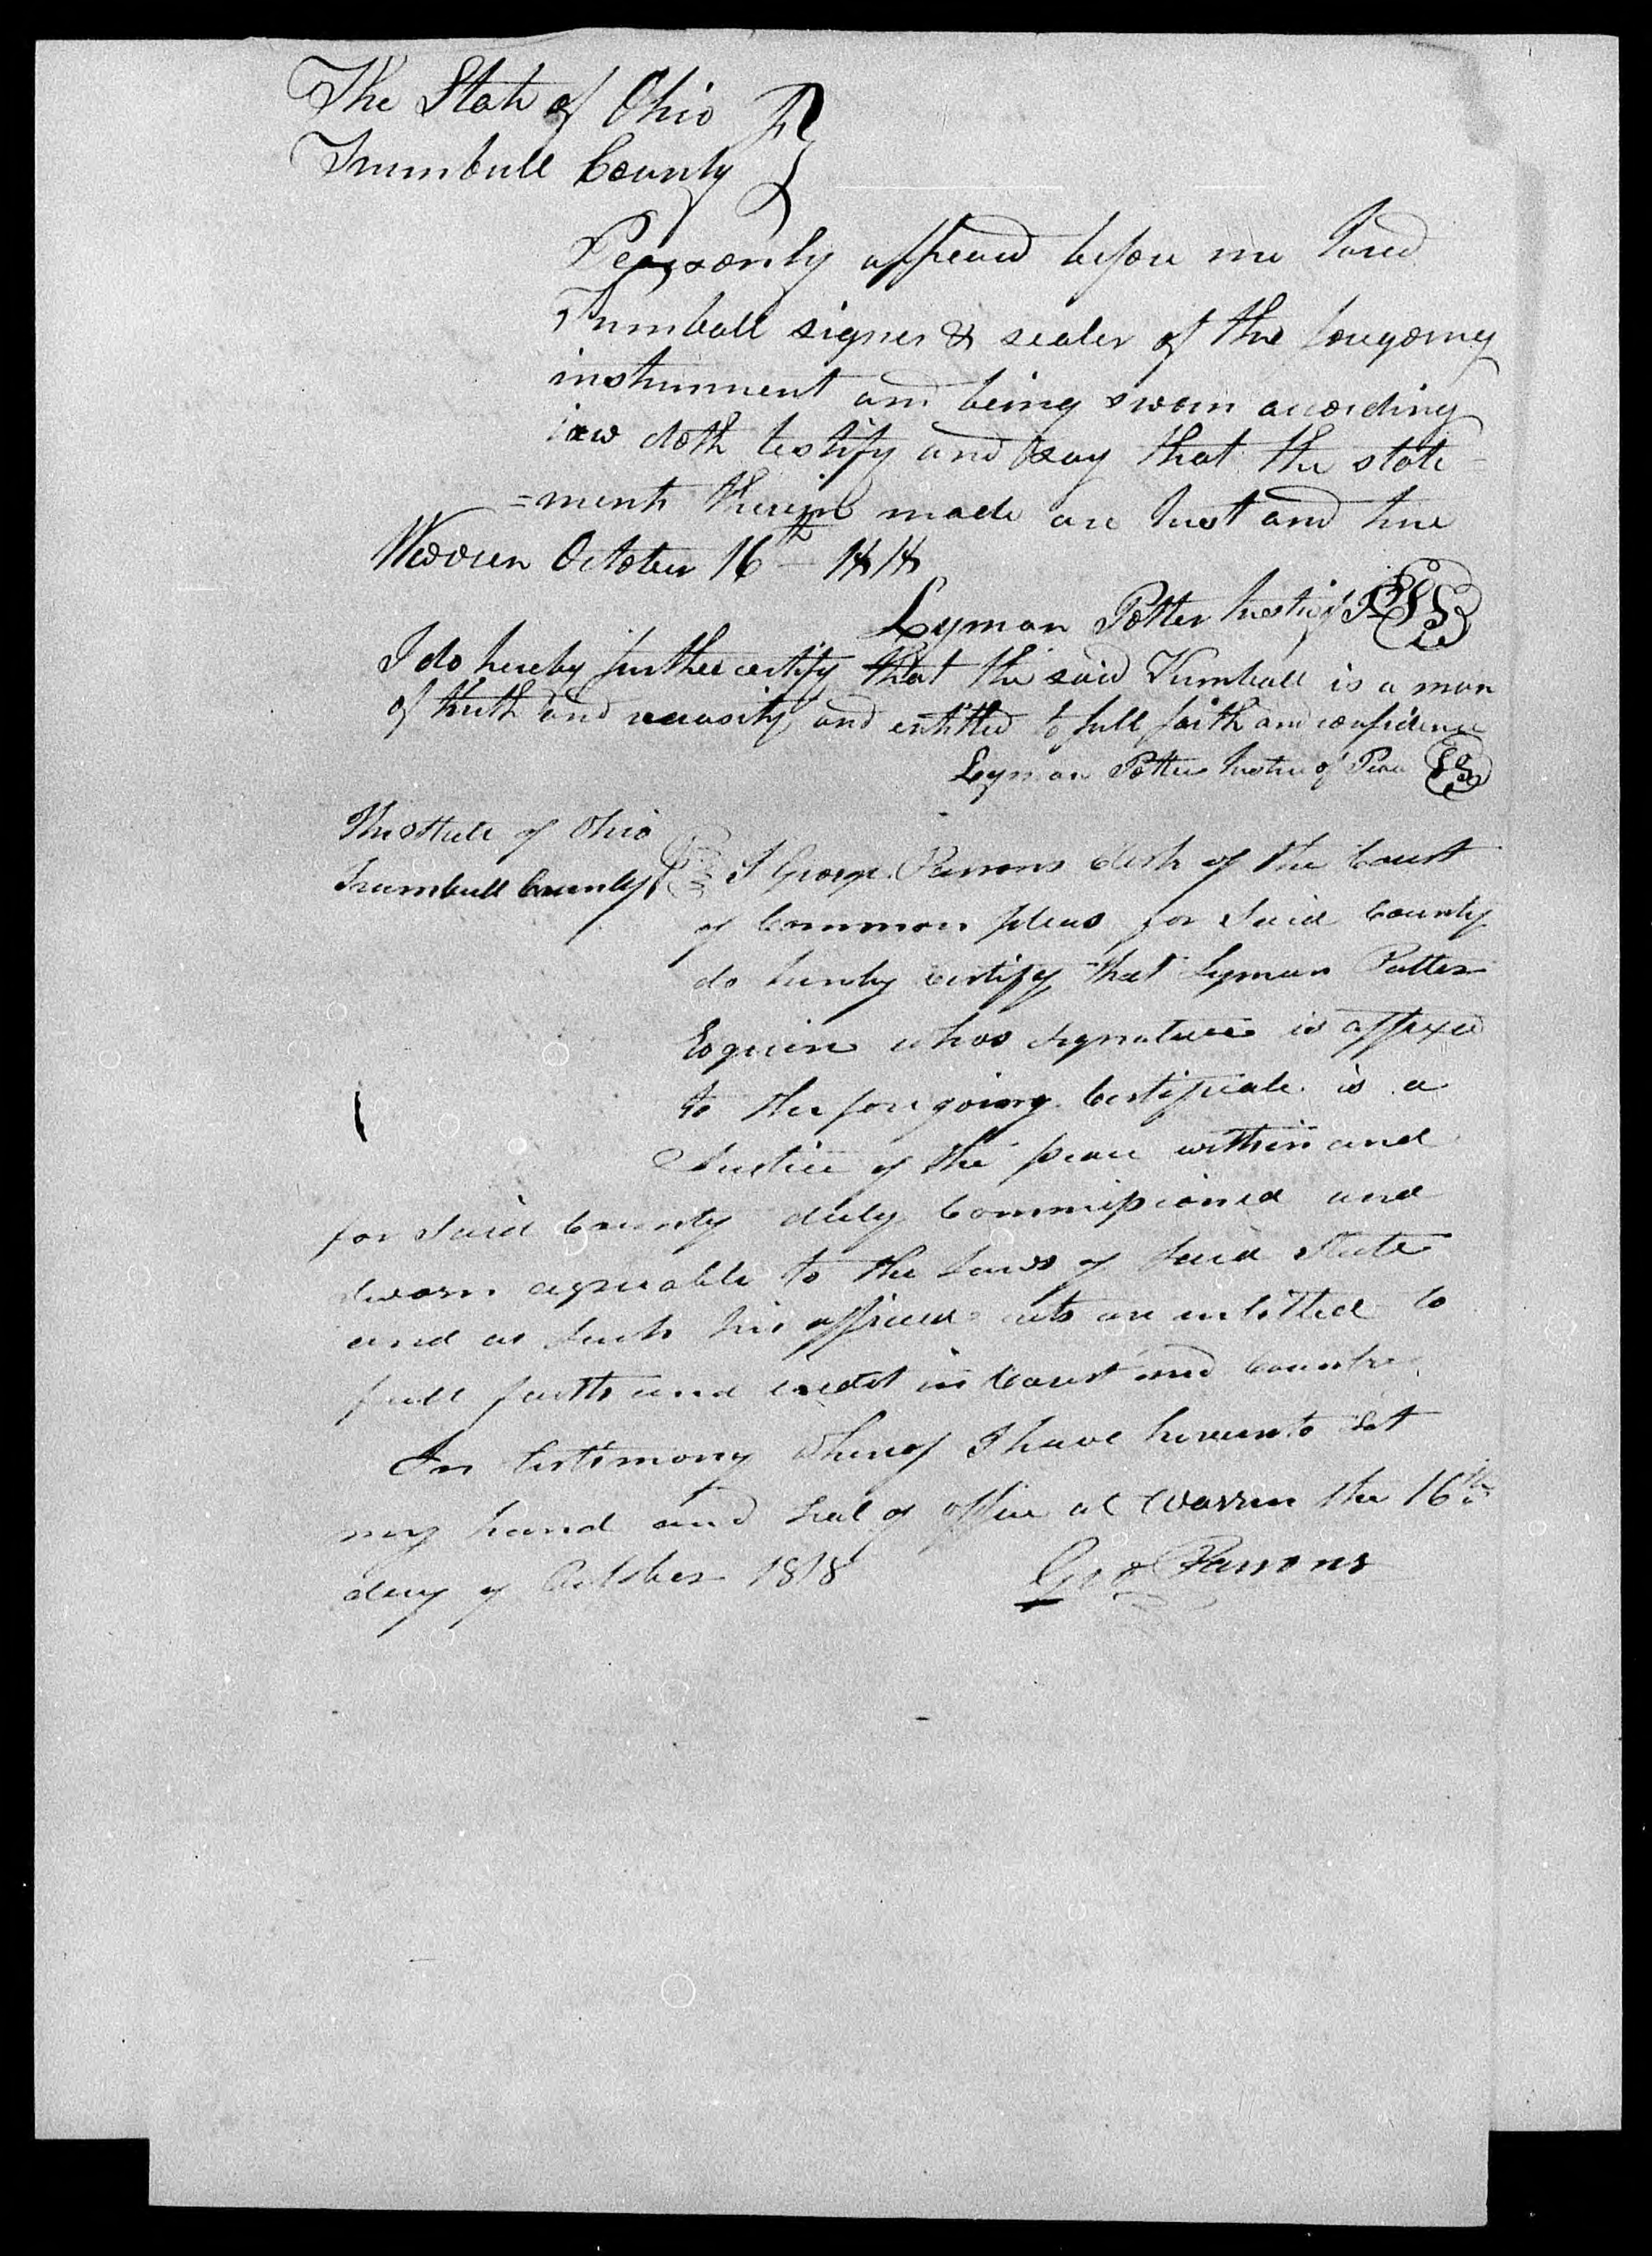The State of Ohio }
Trumbull County }
Personly appeared before me Jared Kimball signer & sealer of the foregoing instrument and being sworn according law doth testify and say that the statements therein made are just and true
Sworn October 16th 1818
Lyman Potter Justice of Peace [drawing of a seal?]

I do hereby further certify that the said Kimball is a man of truth and veracity and entitled to full faith and confidence
Lyman Potter Justice of Peace [drawing of a seal?]

The State of Ohio
Trumbull County }  I George Parsons Clerk of the Court of Common Pleas for said County do hereby certify that Lyman Potter Esquire whos signature is affixed to the foregoing Certificate is a Justice of the Peace within and for said County duly Commissioned and Sworn agreeable to the laws of said State and as such his affidavits are entitled to full faith and credit in Court and County.
In testimony whereof I have hereunto set my hand and seal of office at Warren the 16th day of October 1818
Geo Parsons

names: Lyman Potter; George Parsons; Jared Kimball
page: 9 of 36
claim: survivor's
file: S. 42,792, for John Kimball, Connecticut